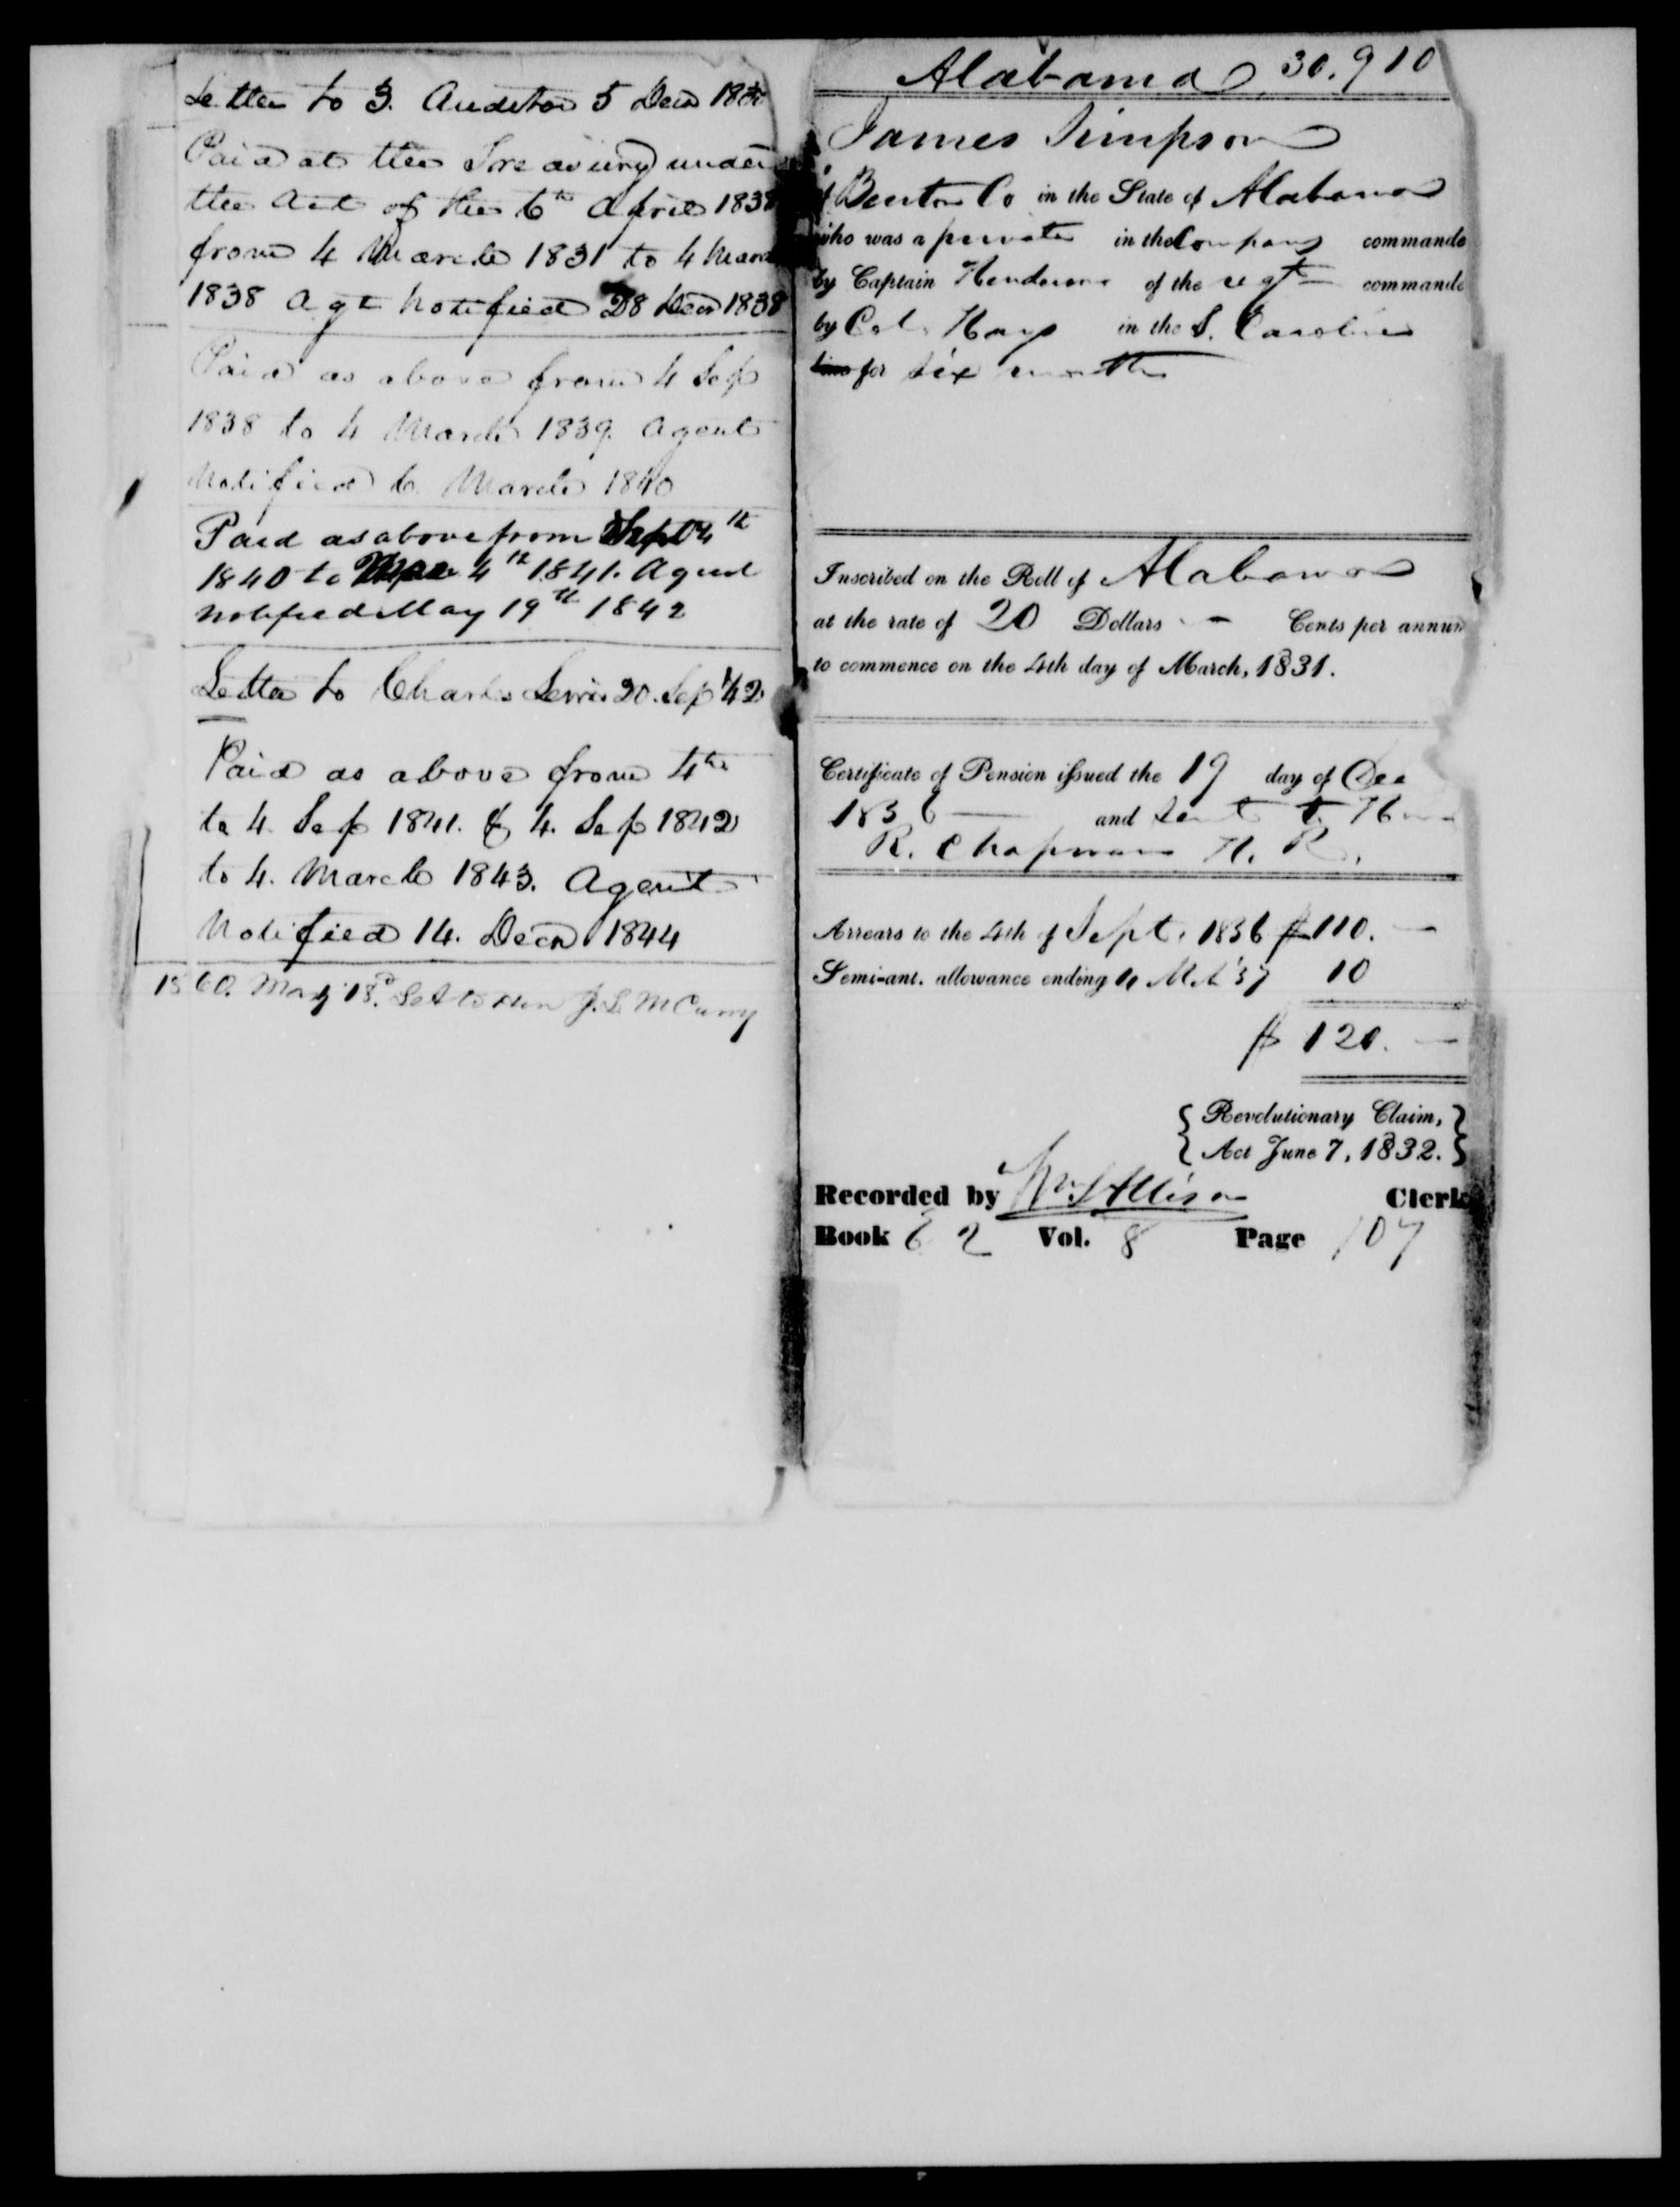[Right side of page:]
Alabama SC. 910
James Simpson
Benton Co in the State of Alabama who was a private in the Company commande by Captain Hendersons of the regt commande by Col. Hays in the S. Carolina for six months

Inscribed on the Roll of Alabama at the rate of 20 Dollars  -- Cents per annum to commence on the 4th day of March, 1831.

Certificate of Pension issued the 19 day of Se [remainder of word cut off] 1836 -- and sent to 76 -- [remainder of line cut off]
R. Chapman H.R.

Arrears to the 4th of Sept. 1836 $110.--
Semi-anl. allowance ending 4 Mch '37  10
$120. --
{Revolutionary Claim, Act June 7, 1832.}
Recorded by Wm S Allison  Clerk
Book 32 Vol. 8  Page 107

[The left side of page as follows:]

Letter to S. Auditor 5 Decr 1800
Paid at the Treasury under the Act of the 6th April 1838 from 4 March 1831 to 4 March 1838 agt notified 28 Dec 1838

Paid as above from 4 Sep 1838 to 4 March 1839.   Agent notified 6 March 1840

Paid as above from Septr 4th 1840 to Mar 4th 1841.  Agent notified May 19th 1842

Letter to Charles Lewis 20 Sep '42

Paid as above from 4th to 4 Sep 1841. S 4. Sep 1842 to 4 March 1843.  Agent notified 14 Decr 1844

1860 May '18d Let to Hon J. L. MCurry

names: [BLANK] Henderson; Charles Lewis; J L Mc Curry; [BLANK] Hays; R Chapman; James Simpson; Wm S Allison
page: 2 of 17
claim: survivor's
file: S. 11401, for James Simpson, South Carolina